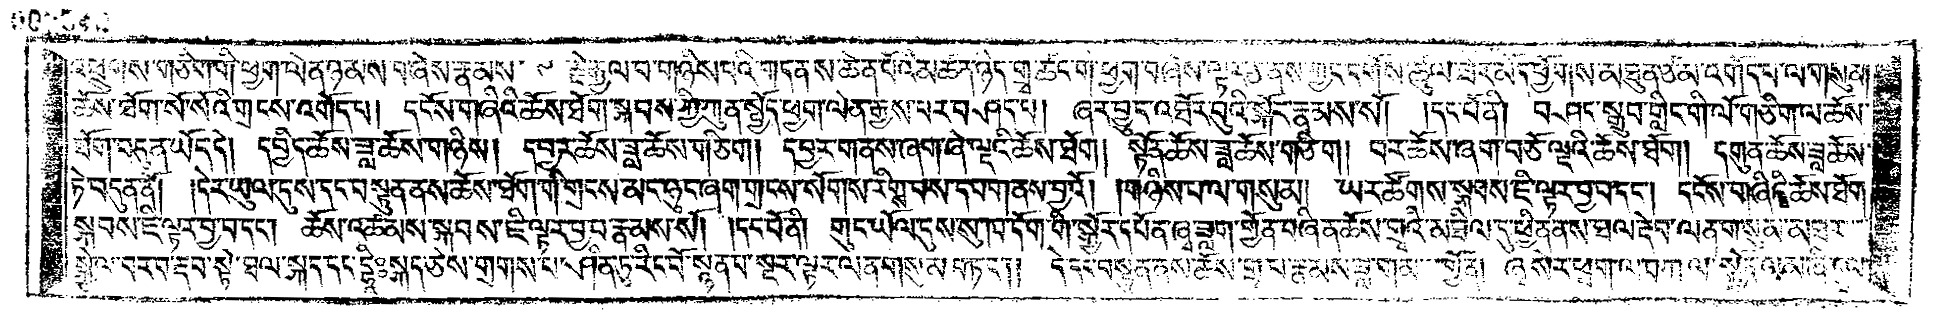འཕྲུགས་གཅིག་གི་ཕྱག་ལེན་ཉམས་བ་ཞེས་རྣམས་༧རྗེ་རྒྱལ་བ་གཉིས་པའི་གདན་ས་ཆེན་པོའི་མཚན་ཉིད་གྲྭ་ཚང་གི་ཕྱག་བཞེས་ལྟར་ཅི་ནས་ཀྱང་དགོས་ཚུལ་ཟེར་མོད་ཕྱོགས་མཐུན་ཙམ་འགོད་པ་ལ་གསུམ།
ཆོས་ཐོག་སོ་སོའི་གྲངས་འགོད་པ། དངོས་གཞིའི་ཆོས་ཐོག་སྐབས་ཀྱི་ཀུན་སྤྱོད་ཕྱག་ལེན་རྒྱས་པར་བཤད་པ། ཞར་བྱུང་འཐོར་བུའི་སྐོར་རྣམས་སོ། །དང་པོ་ནི། བཤད་སྒྲུབ་གླིང་གི་ལོ་གཅིག་ལ་ཆོས་
ཐོག་བདུན་ཡོད་དེ། དབྱིད་ཆོས་ཟླ་ཆོས་གཉིས། དབྱར་ཆོས་ཟླ་ཆོས་གཅིག །དབྱར་གནས་ཞག་ཞེ་ལྔའི་ཆོས་ཐོག །སྟོན་ཆོས་ཟླ་ཆོས་གཅིག །བར་ཆོས་ཞག་བཅོ་ལྔའི་ཆོས་ཐོག །དགུན་ཆོས་ཟླ་ཆོས་
ཏེ་བདུན་ནོ། །དེར་ཡུལ་དུས་དང་བསྟུན་ནས་ཆོས་ཐོག་གི་གྲངས་མང་ཉུང་ཞག་གྲངས་སོགས་རིགས་པས་དཔག་ནས་བྱའོ། །གཉིས་པ་ལ་གསུམ། ཡར་ཚོགས་སྐབས་ཇི་ལྟར་བྱ་བ་དང་། དངོས་གཞིའི་ཆོས་ཐོག་
སྐབས་ཇི་ལྟར་བྱ་བ་དང་། ཆོས་འཚམས་སྐབས་ཇི་ལྟར་བྱ་བ་རྣམས་སོ། །དང་པོ་ནི། གུང་ཡོལ་དུས་སུ་ཁ་དོག་གི་སྐྱོར་དཔོན་ཞྭ་ཟླག་གྱོན་བཞིན་ཆོས་གྲྭའི་མཐིལ་དུ་ཕྱིན་ནས་ཐལ་རྡེབ་ལན་གསུམ་མཐར་
སྐྱེལ་བར་བརྡབ་སྟེ་ཐལ་སྐད་དང་དྷཱིཿ སྐད་ཅེས་གྲགས་པ་ཤིན་ཏུ་རིང་པོ་སྙན་པ་སྔར་ལྟར་ལན་གསུམ་བཏང་། །དེ་དང་བསྟུན་ནས་ཆོས་གྲྭ་པ་རྣམས་ཟླ་གམ་གྱོན། ཞྭ་སེར་ཕྲག་ལ་བཀལ་སྤྱོད་ལམ་ཞི་དུལ་